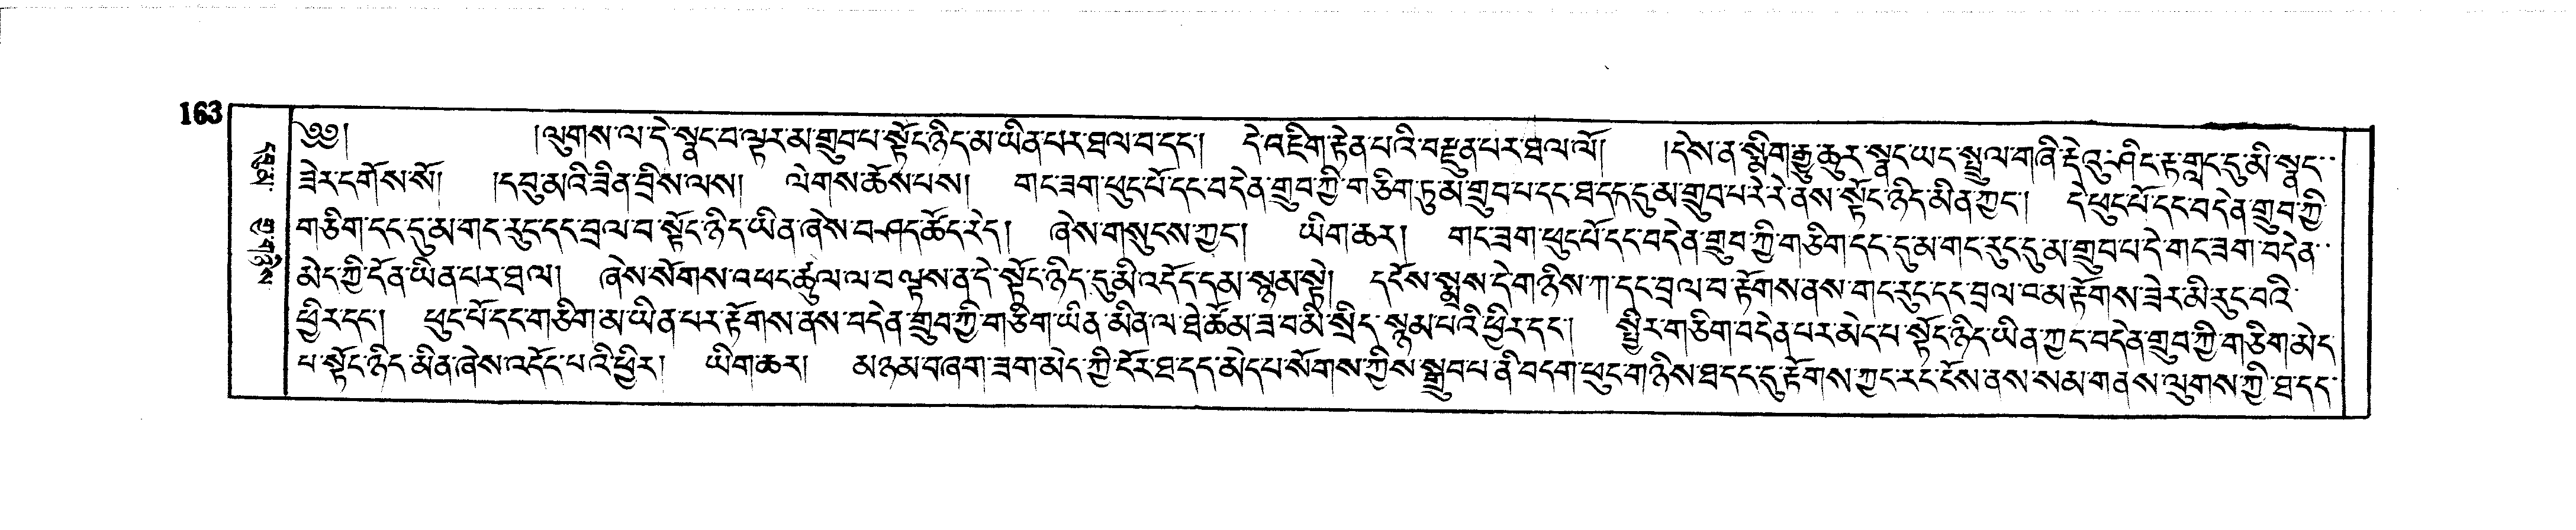༄༅། །ལུགས་ལ་དེ་སྣང་བ་ལྟར་མ་གྲུབ་པ་སྟོང་ཉིད་མ་ཡིན་པར་ཐལ་བ་དང་། དེ་འཇིག་རྟེན་པའི་བརྫུན་པར་ཐལ་ལོ། །དེས་ན་སྨིག་རྒྱུ་ཆུར་སྣང་ཡང་སྤྲུལ་གཞི་རྡེའུ་ཤིང་རྟ་གླང་དུ་མི་སྣང་
ཟེར་དགོས་སོ། །དབུ་མའི་ཟིན་བྲིས་ལས། ལེགས་ཆོས་པས། གང་ཟག་ཕུང་པོ་དང་བདེན་གྲུབ་ཀྱི་གཅིག་ཏུ་མ་གྲུབ་པ་དང་ཐ་དད་དུ་མ་གྲུབ་པ་རེ་རེ་ནས་སྟོང་ཉིད་མིན་ཀྱང་། དེ་ཕུང་པོ་དང་བདེན་གྲུབ་ཀྱི་
གཅིག་དང་དུ་མ་གང་རུང་དང་བྲལ་བ་སྟོང་ཉིད་ཡིན་ཞེས་བཤད་ཚོད་རེད། ཞེས་གསུངས་ཀྱང་། ཡིག་ཆར། གང་ཟག་ཕུང་པོ་དང་བདེན་གྲུབ་ཀྱི་གཅིག་དང་དུ་མ་གང་རུང་དུ་མ་གྲུབ་པ་དེ་གང་ཟག་བདེན་
མེད་ཀྱི་དོན་ཡིན་པར་ཐལ། ཞེས་སོགས་འཕང་ཚུལ་ལ་བལྟས་ན་དེ་སྟོང་ཉིད་དུ་མི་འདོད་དམ་སྙམ་སྟེ། དངོས་སྨྲས་དེ་གཉིས་ཀ་དང་བྲལ་བ་རྟོགས་ནས་གང་རུང་དང་བྲལ་བ་མ་རྟོགས་ཟེར་མི་རུང་བའི་
ཕྱིར་དང་། ཕུང་པོ་དང་གཅིག་མ་ཡིན་པར་རྟོགས་ནས་བདེན་གྲུབ་ཀྱི་གཅིག་ཡིན་མིན་ལ་ཐེ་ཚོམ་ཟ་བ་མི་སྲིད་སྙམ་པའི་ཕྱིར་དང་། སྤྱིར་གཅིག་བདེན་པར་མེད་པ་སྟོང་ཉིད་ཡིན་ཀྱང་བདེན་གྲུབ་ཀྱི་གཅིག་མེད་
པ་སྟོང་ཉིད་མིན་ཞེས་འདོད་པའི་ཕྱིར། ཡིག་ཆར། མཉམ་བཞག་ཟག་མེད་ཀྱི་ངོར་ཐ་དད་མེད་པ་སོགས་ཀྱིས་སྒྲུབ་པ་ནི་བདག་ཕུང་གཉིས་ཐ་དད་དུ་རྟོགས་ཀྱང་རང་ངོས་ནས་སམ་གནས་ལུགས་ཀྱི་ཐ་དད་